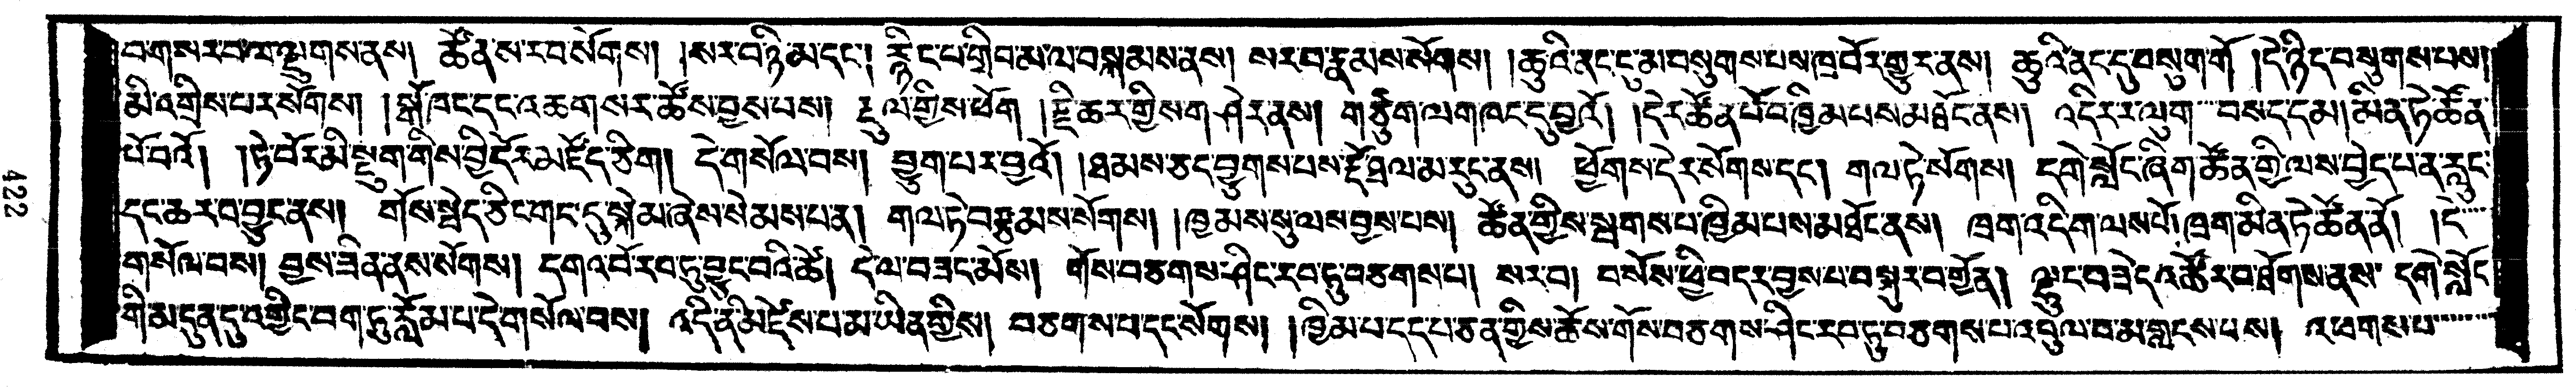བ་གསར་བ་ལ་ལྡུགས་ནས། ཚོན་ས་རབ་སོགས། །སར་བ་ཉི་མ་དང་། རྙིང་པ་གྲིབ་མ་ལ་བསྐམས་ནས། སར་བ་རྣམས་སོགས། །ཆུའི་ནང་དུ་མ་བསུགས་པས་ཁྲ་བོར་གྱུར་ནས། ཆུའི་ནང་དུ་བསུག་གོ །དེ་ཉིད་བསུགས་པས།
མི་འགྲིས་པར་སོགས། །སྒོ་ཁང་དང་འཆག་སར་ཚོས་བྱས་པས། རྡུལ་གྱིས་པོག །རྗི་ཆར་གྱིས་གཤེར་ནས། གཙུག་ལག་ཁང་དུ་བྱའོ། །དེར་ཚོན་པོ་བ་ཁྱིམ་པས་མཐོང་ནས། འདིར་ར་ལུག་བསད་དམ། མིན་ཏེ་ཚོན་
པོ་བའོ། །ཏེ་བོར་མི་སྡུག་གིས་བྱི་དོར་མཛོད་ཅིག། དེ་གསོལ་བས། བྱུག་པར་བྱའོ། །ཐམས་ཅད་བྱུགས་པས་རྡོ་ཐལ་མ་རུང་ནས། ཕྱོགས་དེར་སོགས་དང་། གལ་ཏེ་སོགས། དགེ་སློང་ཞིག་ཚོན་གྱི་ལས་བྱེད་པ་ན་རླུང་
དང་ཆར་བ་བྱུང་ནས། གོས་སྦེད་ཅིང་གང་དུ་སྐེམ་ཞེས་སེམས་པ་ན། གལ་ཏེ་བརྩམས་སོགས། །ཁྱམས་སུ་ལས་བྱས་པས། ཚོན་གྱིས་སྦགས་པ་ཁྱིམ་པས་མཐོང་ནས། ཁྲག་འདི་ག་ལས་པོ། ཁྲག་མིན་ཏེ་ཚོན་ནོ། །དེ་
གསོལ་བས། བྱས་ཟིན་ནས་སོགས། དགའ་བོ་རབ་ཏུ་བྱུང་བའི་ཚེ། དེ་ལ་བཟང་མོས། གོས་བཅགས་ཤིང་རབ་ཏུ་བཅགས་པ། སར་བ། བསོས་ཕྱི་བདར་བྱས་པ་བསྐུར་བ་གྱོན། ལྷུང་བཟེད་འཚོར་བ་ཐོགས་ནས་དགེ་སློང་
གི་མདུན་དུ་འགྱིང་བག་ཏུ་རློམ་པ་དེ་གསོལ་བས། འདི་ནི་མཛེས་པ་མ་ཡིན་གྱིས། བཅགས་པ་དང་སོགས། །ཁྱིམ་པ་དད་པ་ཅན་གྱིས་ཆོས་གོས་བཅགས་ཤིང་རབ་ཏུ་བཅགས་པ་འབུལ་བ་མ་གླངས་པས། འཕགས་པ་